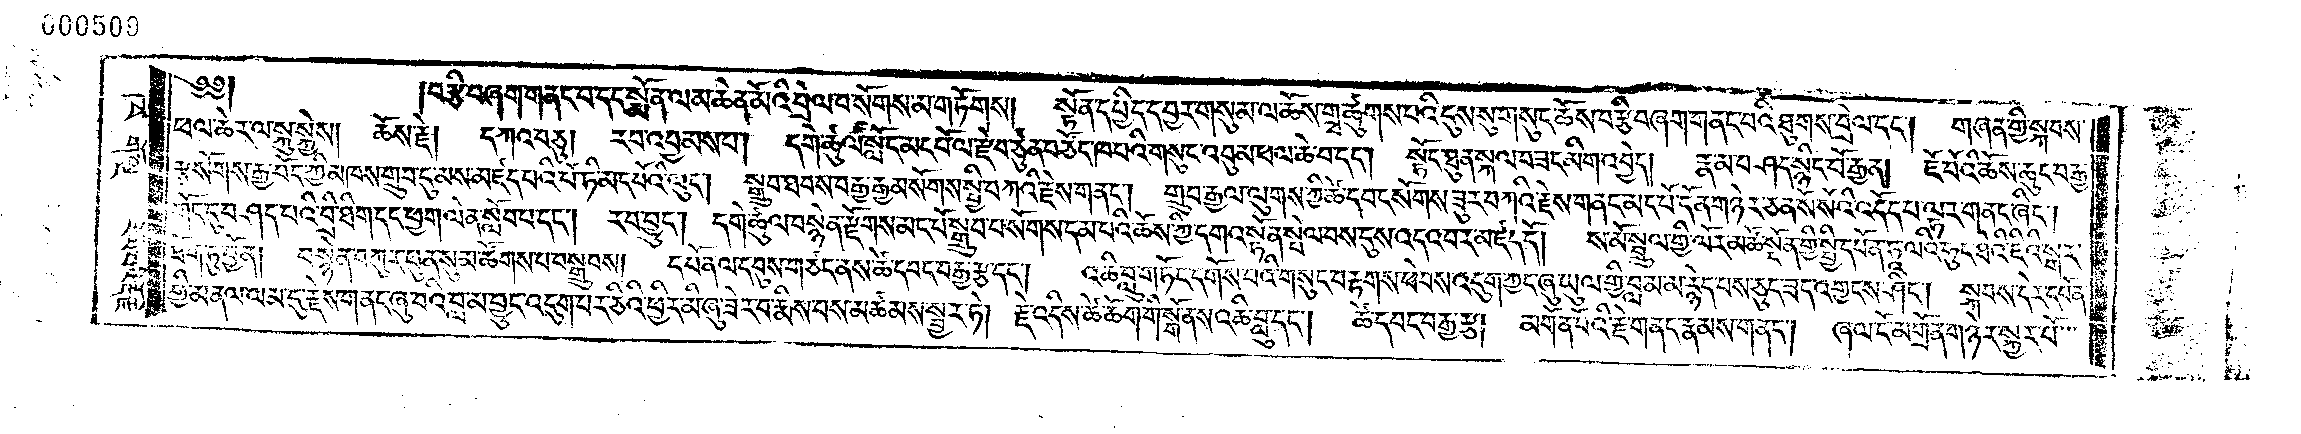༄༅། །བརྩི་བཞག་གནང་བ་དང་སྨོན་ལམ་ཆེན་མོའི་བྲེལ་བ་སོགས་མ་གཏོགས། སྟོན་དཔྱིད་དབྱར་གསུམ་ལ་ཆོས་གྲྭ་ཚུགས་པའི་དུས་སུ་གསུང་ཆོས་བརྩི་བཞག་གནང་བའི་ཐུགས་བྲེལ་དང་། གཞན་གྱི་སྐབས་
ཕལ་ཆེར་ལ་སྐུ་སྐྱེས། ཆོས་རྗེ། དཀའ་བཅུ། རབ་འབྱམས་པ། དགེ་ཚུལ་སློང་མང་པོ་ལ་རྗེ་བཙུན་བཙོང་ཁ་པའི་གསུང་འབུམ་ཕལ་ཆེ་བ་དང་། སྟོང་ཐུན་སྐལ་བཟང་མིག་འབྱེད། རྣམ་བཤད་སྙིང་པོ་རྒྱན། ཇོ་པོའི་ཆོས་ཆུང་བརྒྱ་
རྩ་སོགས་རྒྱ་བོད་ཀྱི་མཁས་གྲུབ་དུ་མས་མཛད་པའི་པོ་ཏི་མང་པོའི་ལུང་། སྒྲུབ་ཐབས་བརྒྱ་རྒྱམ་སོགས་སྤྱི་བཀའི་རྗེས་གནང་། གྲུབ་རྒྱལ་ལུགས་ཀྱི་ཚེ་དབང་སོགས་ཟུར་བཀའི་རྗེས་གནང་མང་པོ་དོན་གཉེར་ཅན་སོ་སོའི་འདོད་པ་ལྟར་གནང་ཞིང་།
གོང་དུ་བཤད་པའི་བྲི་ཐིག་དང་ཕྱག་ལེན་སློབ་པ་དང་། རབ་བྱུང་། དགེ་ཚུལ་བསྙེན་རྫོགས་མང་པོ་སྒྲུབ་པ་སོགས་དམ་པའི་ཆོས་ཀྱི་དགའ་སྟོན་སྤེལ་བས་དུས་འདའ་བར་མཛད་དོ། ས་མོ་སྦྲུལ་གྱི་ལོར་མཚོ་སྔོན་གྱི་སྤྱི་དཔོན་ཏཱ་ལའི་ཧུང་ཐེའི་ཇིའི་སྒར་
ཐོག་ཏུ་བྱོན། བསྙེན་བཀུར་ཕུན་སུམ་ཚོགས་པ་བསྒྲུབས། དཔོན་ལ་དབུས་གཙང་ནས་ཚེ་དབང་བརྒྱ་རྩ་དང་། འཆི་བླུ་གཏོང་དགོས་པའི་གསུང་བརྟགས་ཕེབས་འདུག་ཀྱང་ཞུ་ཡུལ་གྱི་བླ་མ་མ་རྙེད་བས་ཅུང་ཟད་འགྱངས་ཤིང་། སྐབས་དེར་དཔོན་
གྱི་མནལ་ལམ་དུ་རྗེས་གནང་ཞུ་བའི་བླ་མ་བྱུང་འདུག་པར་ཅིའི་ཕྱིར་མི་ཞུ་ཟེར་བ་རྨིས་བས་མཚམས་སྦྱར་ཏེ། རྗེ་འདིས་ཚེ་ཆོག་གི་སྒོ་ནས་འཆི་བླུ་དང་། ཚེ་དབང་བརྒྱ་རྩ། མགོན་པོའི་རྗེ་གནང་རྣམས་གནང་། ཞལ་ངོ་མགྲོན་གཉེར་སྐྱར་པོ་